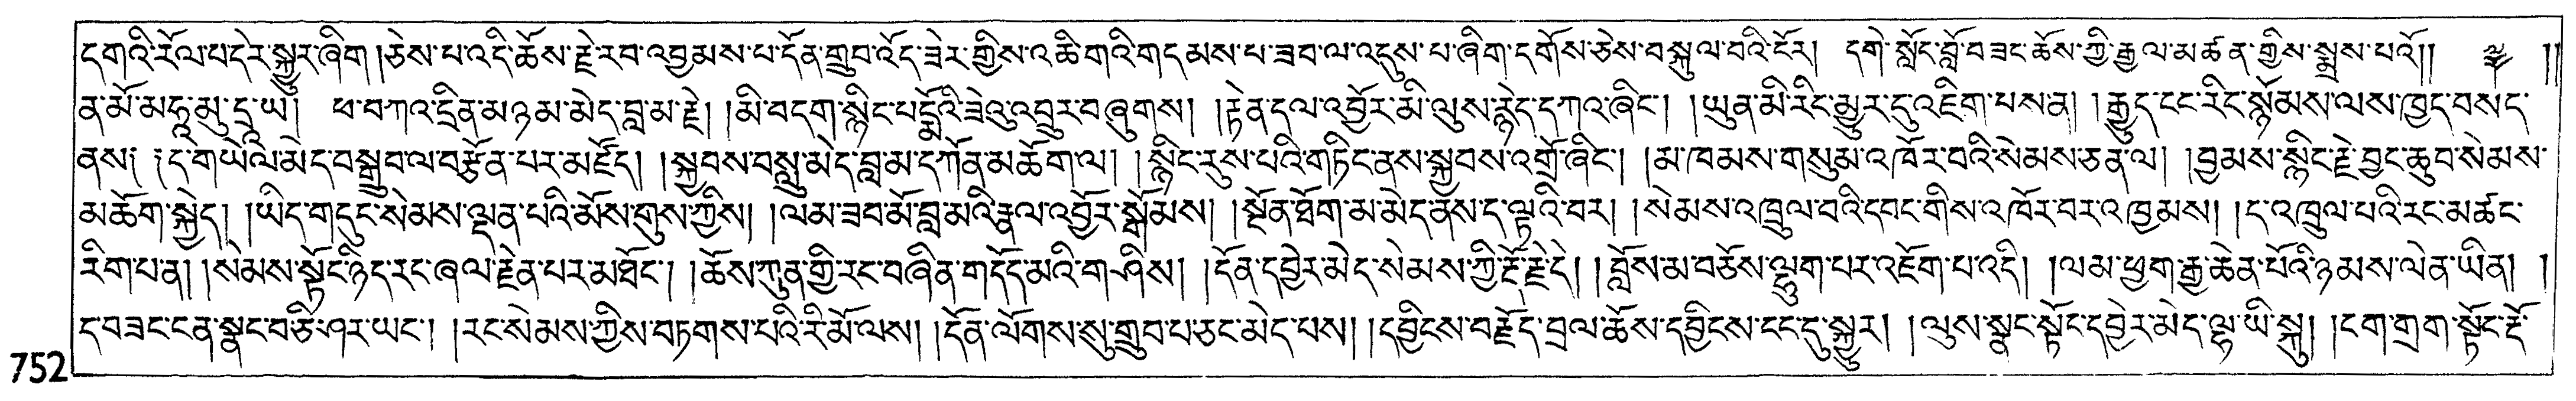དགའི་རོལ་པ་དེར་སྐྱུར་ཞིག །ཅེས་པ་འདི་ཆོས་རྗེ་རབ་འབྱམས་པ་དོན་གྲུབ་འོད་ཟེར་གྱིས་འཆི་གའི་གདམས་པ་ཟབ་ལ་འདུས་པ་ཞིག་དགོས་ཅེས་བསྐུལ་བའི་ངོར། དགེ་སློང་བློ་བཟང་ཆོས་ཀྱི་རྒྱལ་མཚན་གྱིས་སྨྲས་པའོ།།  ༈ །།
ན་མོ་མཧཱ་མུ་དྲཱ་ཡ། ཕ་བཀའ་དྲིན་མཉམ་མེད་བླ་མ་རྗེ། །མི་བདག་སྙིང་པདམོའི་ཟེའུ་འབྲུར་བཞུགས། །རྟེན་དལ་འབྱོར་མི་ལུས་རྙེད་དཀའ་ཞིང་། །ཡུན་མི་རིང་མྱུར་དུ་འཇིག་པས་ན། །རྒྱུད་ངང་རིང་སྙོམས་ལས་ཁྱད་བསད་
ནས། །ད་གཡེལ་མེད་བསྒྲུབ་ལ་བརྩོན་པར་མཛོད། །སྐྱབས་བསླུ་མེད་བླ་མ་དཀོན་མཆོག་ལ། །སྙིང་རུས་པའི་གཏིང་ནས་སྐྱབས་འགྲོ་ཞིང་། །མ་ཁམས་གསུམ་འཁོར་བའི་སེམས་ཅན་ལ། །བྱམས་སྙིང་རྗེ་བྱང་ཆུབ་སེམས་
མཆོག་སྐྱེད། །ཡིད་གདུང་སེམས་ལྡན་པའི་མོས་གུས་ཀྱིས། །ལམ་ཟབ་མོ་བླ་མའི་རྣལ་འབྱོར་སྒོམས། །སྔོན་ཐོག་མ་མེད་ནས་ད་ལྟའི་བར། །སེམས་འཁྲུལ་བའི་དབང་གིས་འཁོར་བར་འཁྱམས། །ད་འཁྲུལ་པའི་རང་མཚང་
རིག་པ་ན། །སེམས་སྟོང་ཉིད་རང་ཞལ་རྗེན་པར་མཐོང་། །ཆོས་ཀུན་གྱི་རང་བཞིན་གདོད་མའི་གཤིས། །དོན་དབྱེར་མེད་སེམས་ཀྱི་རྡོ་རྗེ་དེ། །བློས་མ་བཅོས་ལྷུག་པར་འཇོག་པ་འདི། །ལམ་ཕྱག་རྒྱ་ཆེན་པོའི་ཉམས་ལེན་ཡིན། །
ད་བཟང་ངན་སྣང་བ་ཅི་ཤར་ཡང་། །རང་སེམས་ཀྱིས་བཏགས་པའི་རི་མོ་ལས། །དོན་ལོགས་སུ་གྲུབ་པ་ཅང་མེད་པས། །དབྱིངས་བརྗོད་བྲལ་ཆོས་དབྱིངས་ངང་དུ་སྐྱུར། །ལུས་སྣང་སྟོང་དབྱེར་མེད་ལྷ་ཡི་སྐུ། །ངག་གྲག་སྟོང་རྡོ་